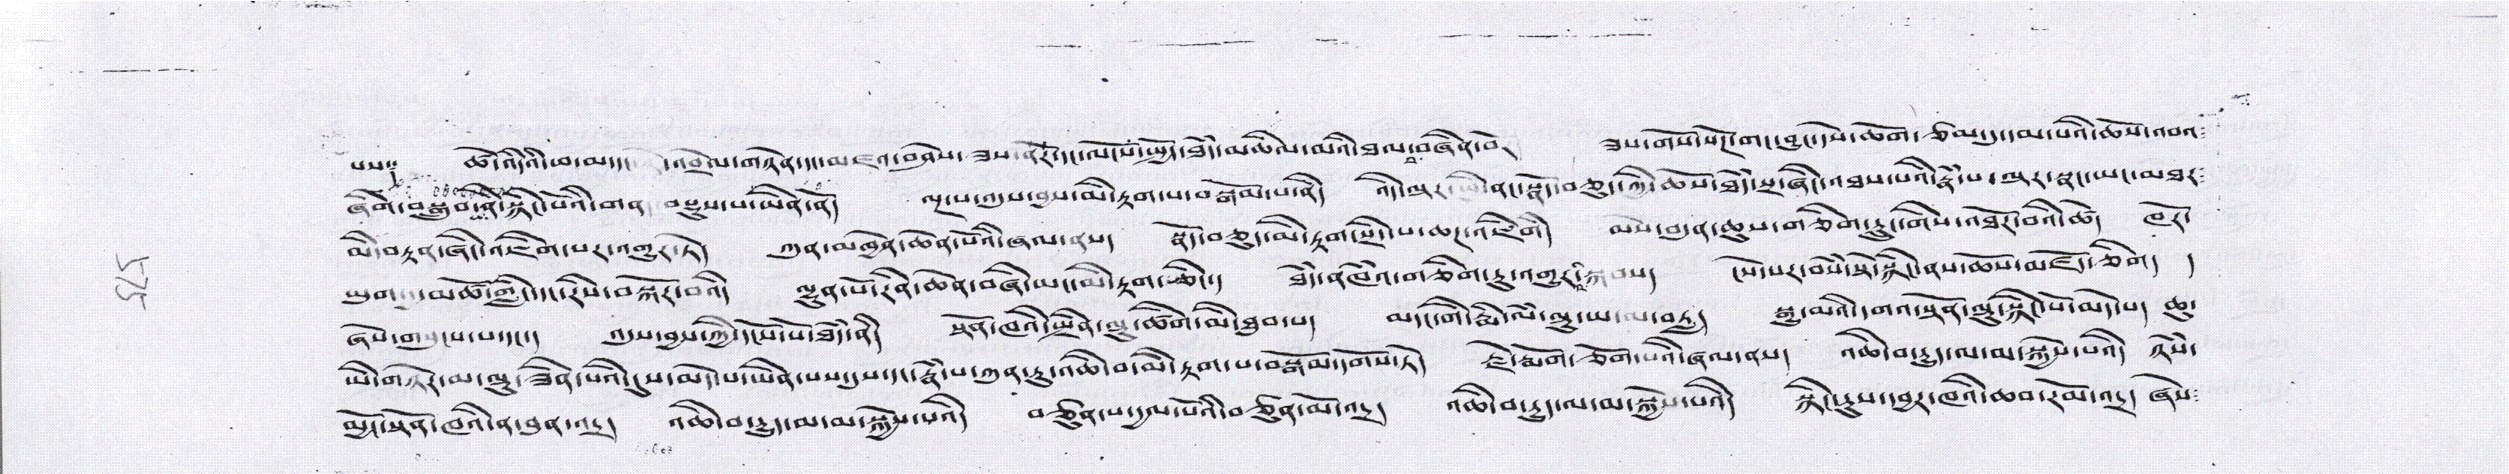པས་ཚེ་འདིའི་ཕ་མ་དང་། འབྲེལ་གཉེན་དང་འཛའ་བཤེས་ཟས་ནོར་དང་ལོངས་སྤྱོད་ཐམས་ཅད་མཆིལ་མའི་ཐལ་བ་བཞིན་བོར། ཟས་གོས་སོགས་གང་བྱུང་དེས་ཆོག་ཙམ་དུ་དམ་པའི་ཆོས་འབའ་
ཞིག་བསྒྲུབ་པ་ནི་སྙིང་པོའི་གནད་བསྡུས་པ་ཡིན་ནོ། །ལྔ་པ་འདུས་བྱས་མི་རྟག་པ་བསྒོམ་པ་ནི། འདི་ལྟར་ཕྱི་ནང་སྣོད་ཀྱི་ཆོས་ཐམས་ཅད་སྲ་ཞིང་འཐས་པའི་རྣམ་པ་ལྟར་སྣང་ཡང་མཐར་
མི་བརྟན་ཞིང་འཇིག་པར་འགྱུར་ཏེ། ཀུན་མཁྱེན་ཆེན་པོའི་ཞལ་ནས། སྣོད་བཅུད་མི་རྟག་སྲིད་པ་ཆགས་འཇིག་གི །མོས་འདུན་ཆུས་གཅིག་རླུང་གིས་འཐོར་བའི་ཚེ། །ཁོར་
ཡུག་རྒྱ་མཚོ་གླིང་དང་རིས་བསྐོར་བའི། །ལྷུན་པོ་རིན་ཆེན་བཞི་ཡང་མི་རྟག་ཅིང་། །ཐམས་ཅད་ནམ་མཁའ་གཅིག་ཏུ་འགྱུར་བའི་སྐབས། །ངེས་པར་བསམ་སྟེ་སྙིང་ནས་ཆོས་མཛོད་ཅིག །
ཞེས་གསུངས་པ་དང་། འདུས་བྱས་ཀྱི་དངོས་པོ་ཐམས་ཅད་ནི། སྟོན་ཁའི་སྤྲིན་ལྟ་བུ་ཚིག་མི་ཐུབ་པ། མདང་གི་རྨི་ལམ་ལྟ་བུ་ཡ་མ་བརླ། སྒྱུ་མའི་དགའ་སྟོན་ལྟ་བུ་སྙིང་པོ་མེད་པ། ཆུ་
ཡི་གཉེར་མ་ལྟ་བུ་ཟིན་པའི་དུས་མེད་པ་ཡིན་པས་དུས་དང་རྣམ་པ་ཀུན་ཏུ་འཆི་བ་མི་རྟག་པ་བསྒོམ་དགོས་ཏེ། རྗེ་རྨོག་ཅོག་པའི་ཞལ་ནས། འཆི་བ་རྒྱུད་ལ་མ་སྐྱེས་པའི། །ཉམས་
མྱོང་སྟོན་ཁའི་ན་བུན་འདྲ། །འཆི་བ་རྒྱུད་ལ་མ་སྐྱེས་པའི། །བཙུན་པ་རྒྱལ་པོའི་བཙུན་མོ་འདྲ། ། འཆི་བ་རྒྱུད་ལ་མ་སྐྱེས་པའི། །སྙིང་རུས་དབྱར་གྱི་ཆབ་རོམ་འདྲ། །ཞེས་